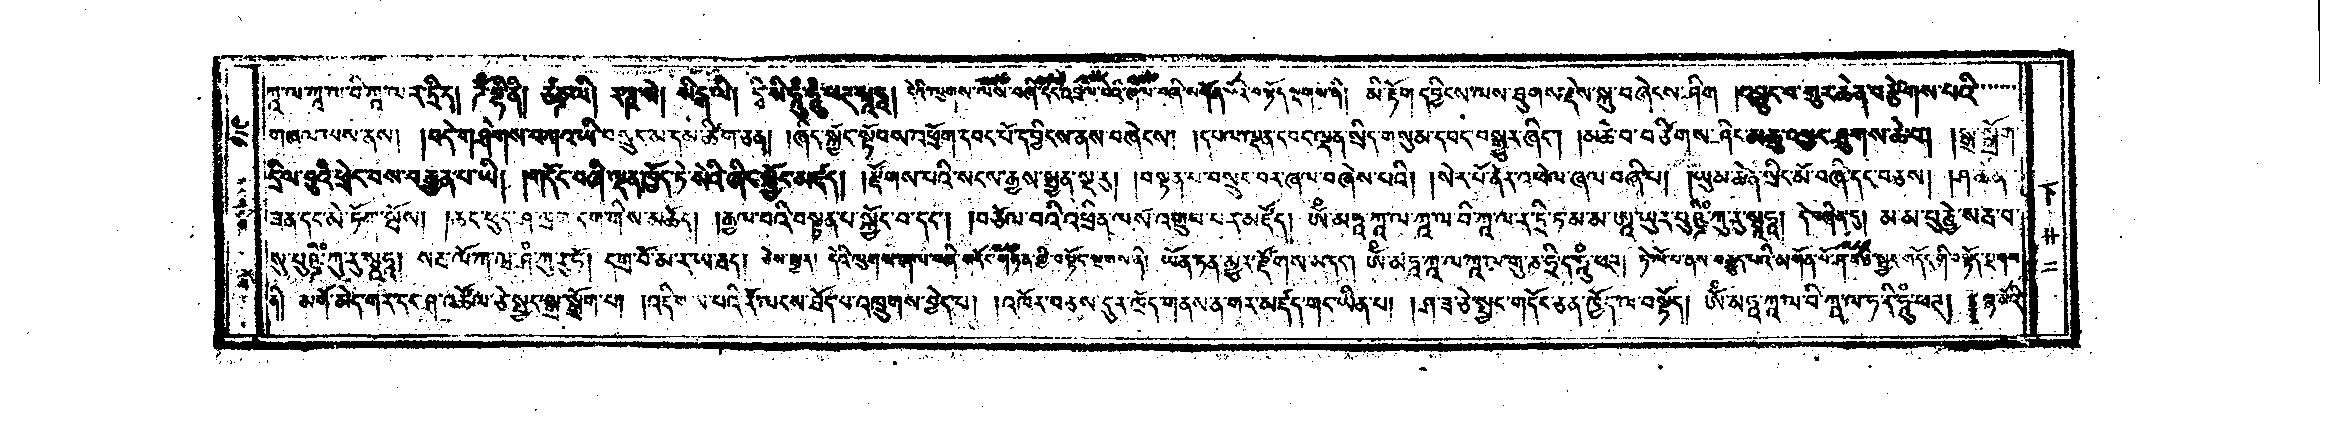ཀཱ་ལ་ཀཱ་ལ་བི་ཀཱ་ལ་ར་ཏྲི་ད། ཌོཾ་བྷི་ནི། ཙཎྜ་ལི། རཀྵ་སེ། སིངྒ་ལི། དྭི་སི་ཧཱུཾ་ཧཱུཾ་ཕཊ་སྭཱཧཱ། དེའི་ལུགས་ལས་བཞི་དང༢༧༧་འབྲེལ་བའི་ཞལ༢༧༩་བཞི་མགོན་པོའི་བསྟོད་སྔགས་ནི། མི་རྟོག་དབྱིངས་ལས་ཐུགས་རྗེས་སྐུ་བཞེངས་ཤིག །འབྱུང་བ་གུར་ཆེན་བརྩེགས་པའི་
གཞལ་ཡས་ནས། །བདེ་གཤེགས་བཀའ་ཡི་བསྲུང་མ་དམ་ཚིག་ཅན། །ཞིང་སྐྱོང་སྟོབས་འཕྲོག་དབང་པོ་དབྱིངས་ནས་བཞེངས། །དཔལ་ལྡན་དབང་ལྡན་སྲིད་གསུམ་དབང་བསྒྱུར་ཞིང་། །མཆེ་བ་བཙིགས་ཤིང་མཆུ་འཕྱང་ཤུགས་ཆེ་བ། །སྒྲ་སྒྲོག་
དྲིལ་བུའི་ཕྲེང་བས་བརྒྱན་པ་ཡི། །གདོང་བཞི་ལྡན་ཁྱོད་ཏེ་སེའི་ཞིང་སྐྱོང་མཛད། །རྫོགས་པའི་སངས་རྒྱས་སྤྱན་སྔ་རུ། །བསྟན་པ་བསྲུང་བར་ཞལ་བཞེས་པའི། །སེར་པོ་ནོར་འཕེལ་ཞལ་བཞི་པ། །ཡུམ་ཆེན་སྲིང་མོ་བཞི་དང་བཅས། །ཤ་ཆེན་
ཟན་དང་མེ་ཏོག་སྤོས། །ཆང་ཕུད་ཤ་ཁྲག་དག་གིས་མཆོད། །རྒྱལ་བའི་བསྟན་པ་སྐྱོང་བ་དང་། །བཅོལ་བའི་འཕྲིན་ལས་འགྲུབ་པར་མཛོད། ཨོཾ་མཧཱ་ཀཱ་ལ་ཀཱ་ལ་བི་ཀཱ་ལ་ར་ཏྲི་ཏ་མ་མ་ཨཱ་ཡུར་པུཥྜིཾ་ཀུ་རུ་སྭཱཧཱ། དེ་བཞིན་དུ།  མ་མ་པུནྱེ་སརྦ་བ་
སུ་པུཥྜིཾ་ཀུ་རུ་སྭཱཧཱ། སརྦ་ལོ་ཀ་ཝ་ཤཾ་ཀུ་རུ་ཧོ། དགྲ་བོ་མ་ར་ཡ་རྦད། ཅེས་སྦྱར། དེའི་ལུགས་ཞལ་བཞི་གདོང༢༨༠་གཉན་གྱི་བསྟོད་སྔགས་ནི། ཡོན་ཏན་མྱུར་རྫོགས་མ་དང་།  ཨོཾ་མཧཱ་ཀཱ་ལ་ཀཱ་ལ་གུ་ཎ་ཧྲི་ད་ཧཱུཾ་ཕཊ། ཏེ་ལོ་བ་ནས་བརྒྱུད་པའི་མགོན་པོ་ཤ་ཟ་ཅེ་སྤྱང་གདོང་གི་བསྟོད་སྔགས་
ནི། མགོ་མེད་གར་དང་ཤ་འཚོལ་ཅེ་སྤྱང་སྒྲ་སྒྲོག་པ། །འཇིགས་པའི་རོ་ལངས་ཐོད་པ་འཁྲུགས་བྱེད་པ། །འཁོར་བཅས་དུར་ཁྲོད་གནས་ན་གར་མཛད་གང་ཡིན་པ། །ཤ་ཟ་ཅེ་སྤྱང་གདོང་ཅན་ཁྱོད་ལ་བསྟོད། ཨོཾ་མཧཱ་ཀཱ་ལ་བི་ཀཱ་ལ་ཧ་རི་ཧཱུཾ་ཕཊ། ༈ ལྷ་མོའི